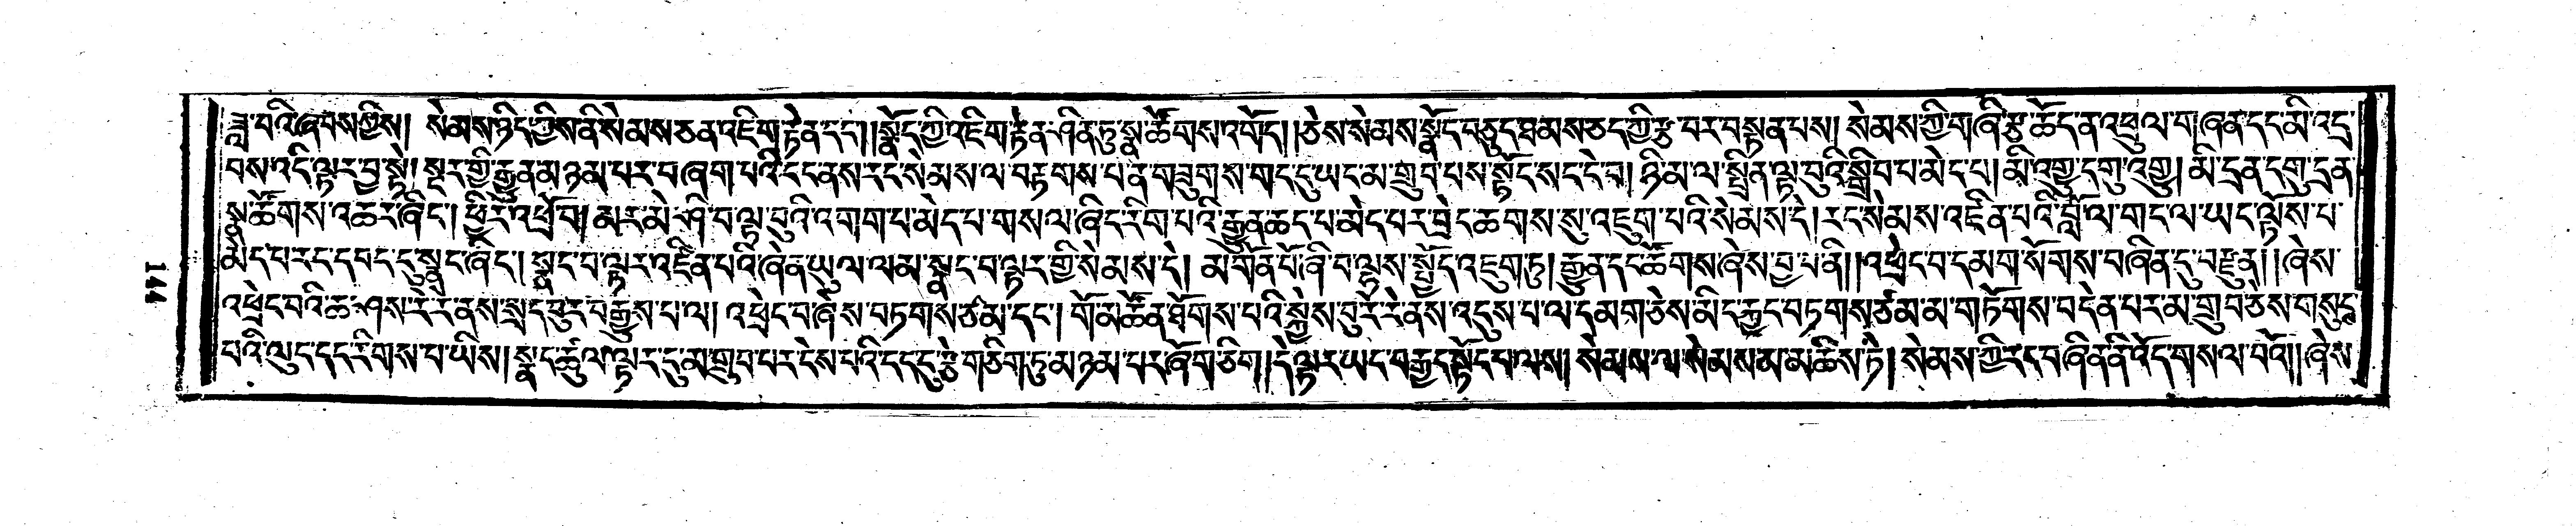ཟླ་བའི་ཞབས་ཀྱིས། སེམས་ཉིད་ཀྱིས་ནི་སེམས་ཅན་འཇིག་རྟེན་དང་། །སྣོད་ཀྱི་འཇིག་རྟེན་ཤིན་ཏུ་སྣ་ཚོགས་འགོད། །ཅེས་སེམས་སྣོད་བཅུད་ཐམས་ཅད་ཀྱི་རྩ་བར་བསྟན་པས། སེམས་ཀྱི་གཞི་རྩ་ཆོད་ན་འཕྲུལ་གཞན་དང་མི་འདྲ་
བས་འདི་ལྟར་བྱ་སྟེ། སྔར་གྱི་རྒྱུན་མཉམ་པར་བཞག་པའི་ངང་ནས་རང་སེམས་ལ་བརྟགས་པ་ན་གཟུགས་གང་དུ་ཡང་མ་གྲུབ་པས་སྟོང་སང་ངེ་བ། ཉི་མ་ལ་སྤྲིན་ལྟ་བུའི་སྒྲིབ་པ་མེད་པ། མི་འགྱུ་དགུ་འགྱུ། མི་དྲན་དགུ་དྲན་
སྣ་ཚོགས་འཆར་ཞིང་། ཕྱིར་འཕྲོ་བ། མར་མེ་ཤི་བ་ལྟ་བུའི་འགག་པ་མེད་པ་གསལ་ཞིང་རིག་པའི་རྒྱུན་ཆད་པ་མེད་པར་བྲེང་ཆགས་སུ་འཇུག་པའི་སེམས་དེ། རང་སེམས་འཛིན་པའི་བློ་ལ་གང་ལ་ཡང་ལྟོས་པ་
མེད་པ་རང་དབང་དུ་སྣང་ཞིང་། སྣང་བ་ལྟར་འཛིན་པའི་ཞེ་ན་ཡུལ་ལམ་སྣང་བ་ལྟར་གྱི་སེམས་དེ། མགོན་པོ་ཞི་བ་ལྷས་སྤྱོད་འཇུག་ཏུ། རྒྱུན་དང་ཚོགས་ཞེས་བྱ་བ་ནི། །འཕྲེང་བ་དམག་སོགས་བཞིན་དུ་བརྫུན། །ཞེས་
འཕྲེང་བའི་ཆ་ཤས་རེ་རེ་ནས་སྲིད་བུར་བརྒྱུས་པ་ལ། འཕྲེང་བ་ཞེས་བཏགས་ཙམ་དང་། གོ་མཚོན་ཐོགས་པའི་སྐྱེས་བུ་རེ་རེ་ནས་འདུས་པ་ལ་དམག་ཅེས་མིང་རྐྱང་བཏགས་ཙམ་མ་གཏོགས་བདེན་པར་མ་གྲུབ་ཅེས་གསུངས་
པའི་ལུང་དང་རིགས་པ་ཡིས། སྣང་ཚུལ་ལྟར་དུ་མ་གྲུབ་པར་ངེས་པའི་ངང་དུ་རྩེ་གཅིག་ཏུ་མཉམ་པར་ཞོག་ཅིག །དེ་ལྟར་ཡང་བརྒྱད་སྟོང་པ་ལས། སེམས་ལ་སེམས་མ་མཆིས་ཏེ། སེམས་ཀྱི་རང་བཞིན་ནི་འོད་གསལ་བའོ། །ཞེས་